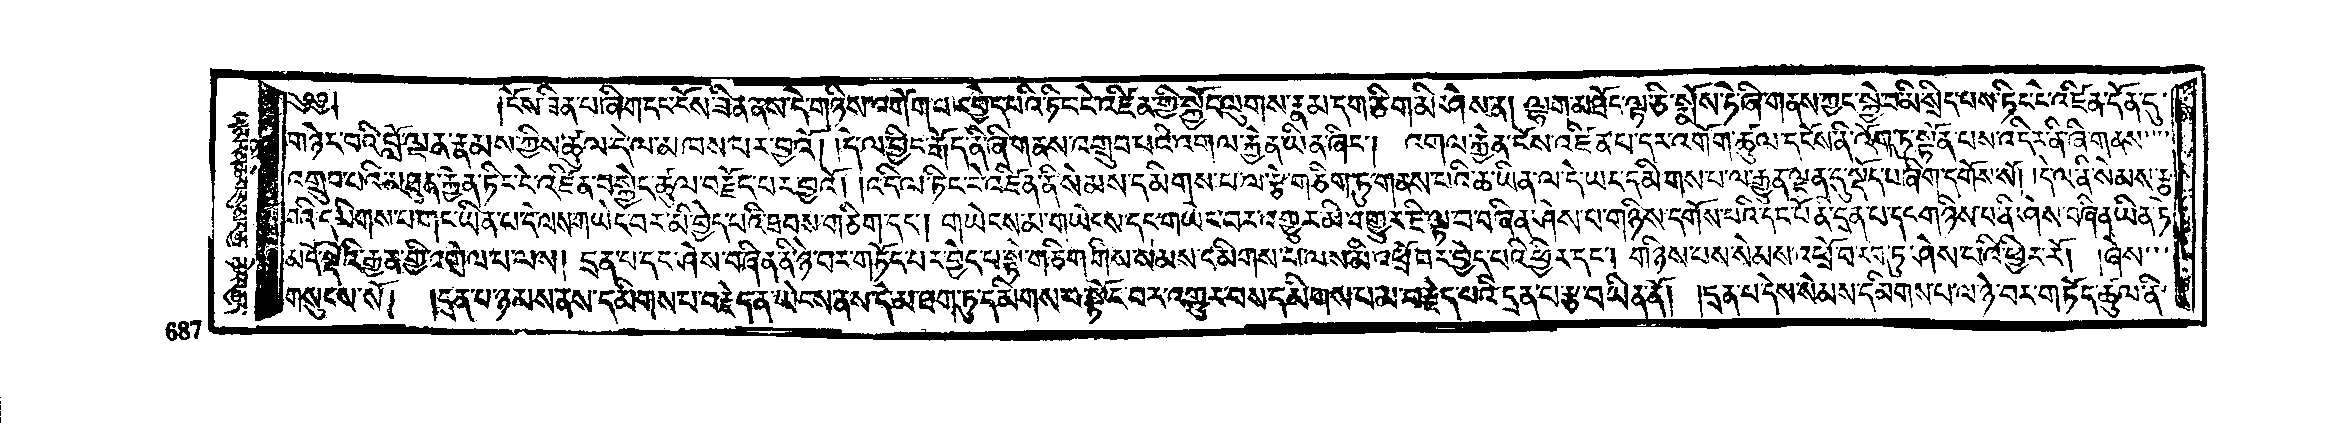༄༅། །ངོས་ཟིན་པ་ཞིག་དང་ངོས་ཟིན་ནས་དེ་གཉིས་འགོག་པར་བྱེད་པའི་ཏིང་ངེ་འཛིན་གྱི་སྐྱོང་ལུགས་རྣམ་དག་ཅིག་མི་ཤེས་ན། ལྷག་མཐོང་ལྟ་ཅི་སྨོས་ཏེ་ཞི་གནས་ཀྱང་སྐྱེ་བ་མི་སྲིད་པས་ཏིང་ངེ་འཛིན་དོན་དུ་
གཉེར་བའི་བློ་ལྡན་རྣམས་ཀྱིས་ཚུལ་དེ་ལ་མཁས་པར་བྱའོ། །དེ་ལ་བྱིང་རྒོད་ནི་ཞི་གནས་འགྲུབ་པའི་འགལ་རྐྱེན་ཡིན་ཞིང་། འགལ་རྐྱེན་ངོས་འཛིན་པ་དང་འགོག་ཚུལ་དངོས་ནི་འོག་ཏུ་སྟོན་པས་འདིར་ནི་ཞི་གནས་
འགྲུབ་པའི་མཐུན་རྐྱེན་ཏིང་ངེ་འཛིན་བསྐྱེད་ཚུལ་བརྗོད་པར་བྱའོ། །འདི་ལ་ཏིང་ངེ་འཛིན་ནི་སེམས་དམིགས་པ་ལ་རྩེ་གཅིག་ཏུ་གནས་པའི་ཆ་ཡིན་ལ་དེ་ཡང་དམིགས་པ་ལ་རྒྱུན་ལྡན་དུ་སྡོད་པ་ཞིག་དགོས་སོ། །དེ་ལ་ནི་སེམས་རྩ་
བའི་དམིགས་པ་གང་ཡིན་པ་དེ་ལས་གཡེང་བར་མི་བྱེད་པའི་ཐབས་གཅིག་དང་། གཡེངས་མ་གཡེངས་དང་གཡེང་བར་འགྱུར་མི་འགྱུར་ཇི་ལྟ་བ་བཞིན་ཤེས་པ་གཉིས་དགོས་པའི་དང་པོ་ནི་དྲན་པ་དང་གཉིས་པ་ནི་ཤེས་བཞིན་ཡིན་ཏེ།
མདོ་སྡེའི་རྒྱན་གྱི་འགྲེལ་པ་ལས། དྲན་པ་དང་ཤེས་བཞིན་ནི་ཉེ་བར་གཏོད་པར་བྱེད་པ་སྟེ་གཅིག་གིས་སེམས་དམིགས་པ་ལས་མི་འཕྲོ་བར་བྱེད་པའི་ཕྱིར་དང་། གཉིས་པས་སེམས་འཕྲོ་བ་རབ་ཏུ་ཤེས་པའི་ཕྱིར་རོ། །ཞེས་
གསུངས་སོ། །དྲན་པ་ཉམས་ནས་དམིགས་པ་བརྗེད་ན་ཡེངས་ནས་དེ་མ་ཐག་ཏུ་དམིགས་པ་སྟོར་བར་འགྱུར་བས་དམིགས་པ་མ་བརྗེད་པའི་དྲན་པ་རྩ་བ་ཡིན་ནོ། །དྲན་པ་དེས་སེམས་དམིགས་པ་ལ་ཉེ་བར་གཏོད་ཚུལ་ནི་